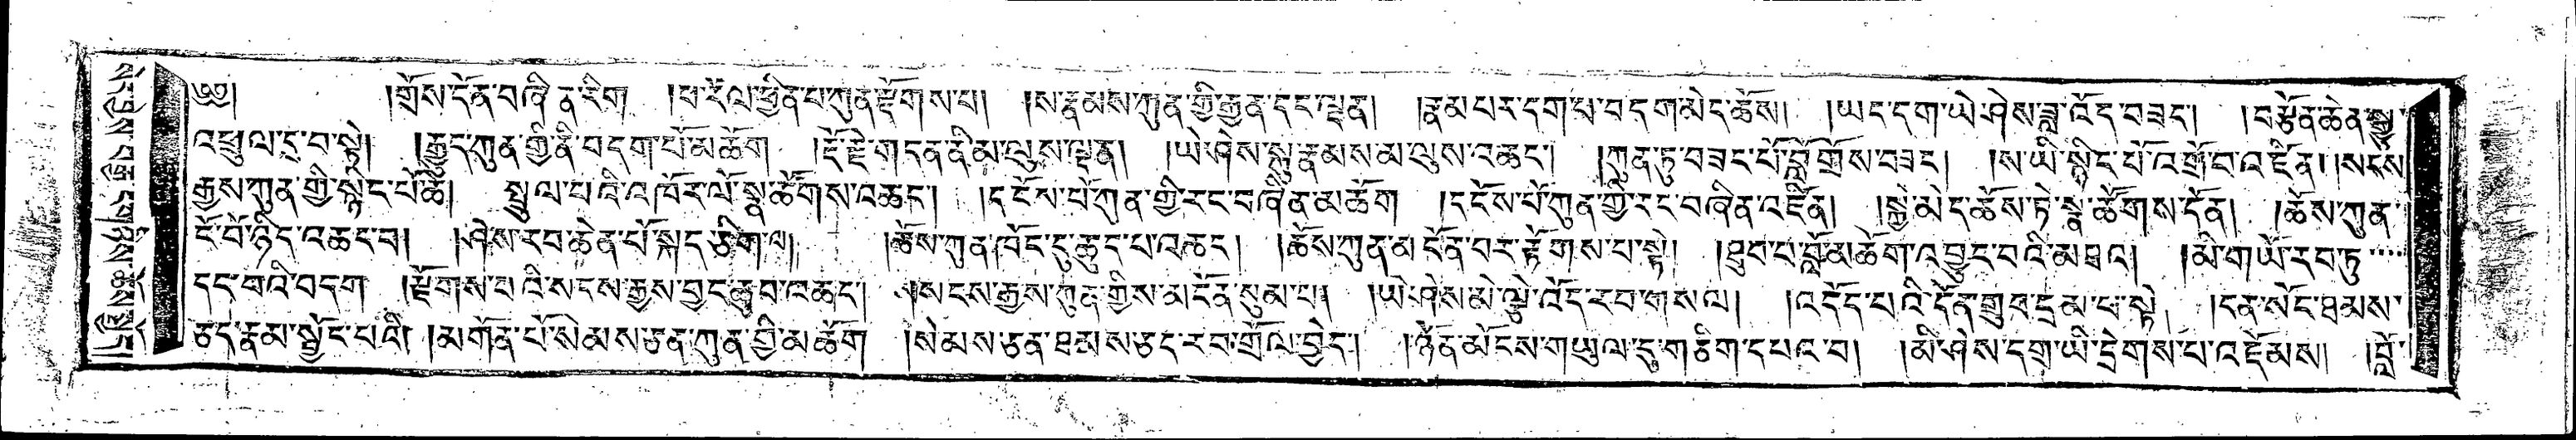༄༅། །གྲོས་དོན་བཞིན་རིག །ཕ་རོལ་ཕྱིན་པ་ཀུན་རྫོགས་པ། །ས་རྣམས་ཀུན་གྱི་རྒྱན་དང་ལྡན། །རྣམ་པར་དག་པ་བདག་མེད་ཆོས། །ཡང་དག་ཡེ་ཤེས་ཟླ་འོད་བཟང་། །བརྩོན་ཆེན་སྒྱུ་
འཕྲུལ་དྲ་བ་སྟེ། །རྒྱུད་ཀུན་གྱི་ནི་བདག་པོ་མཆོག །རྡོ་རྗེ་གདན་ནི་མ་ལུས་ལྡན། །ཡེ་ཤེས་སྐུ་རྣམས་མ་ལུས་འཆང་། །ཀུན་ཏུ་བཟང་པོ་བློ་གྲོས་བཟང་། །ས་ཡི་སྙིང་པོ་འགྲོ་བ་འཛིན། །སངས་
རྒྱས་ཀུན་གྱི་སྙིང་པོ་ཆེ། སྤྲུལ་པའི་འཁོར་ལོ་སྣ་ཚོགས་འཆང་། །དངོས་པོ་ཀུན་གྱི་རང་བཞིན་མཆོག །དངོས་པོ་ཀུན་གྱི་རང་བཞིན་འཛིན། །སྐྱེ་མེད་ཆོས་ཏེ་སྣ་ཚོགས་དོན། །ཆོས་ཀུན་
ངོ་བོ་ཉིད་འཆང་བ། །ཤེས་རབ་ཆེན་པོ་སྐད་ཅིག་ལ། །ཆོས་ཀུན་ཁོང་དུ་ཆུད་པ་འཆང་། །ཆོས་ཀུན་མངོན་པར་རྟོགས་པ་སྟེ། །ཐུབ་པ་བློ་མཆོག་འབྱུང་བའི་མཐའ། །མི་གཡོ་རབ་ཏུ་
དང་བའི་བདག །རྫོགས་པའི་སངས་རྒྱས་བྱང་ཆུབ་འཆང་། །སངས་རྒྱས་ཀུན་གྱིས་མངོན་སུམ་པ། །ཡེ་ཤེས་མེ་ལྕེ་འོད་རབ་གསལ། །འདོད་པའི་དོན་གྲུབ་དྲམ་པ་སྟེ། །ངན་སོང་ཐམས་
ཅད་རྣམ་སྦྱོང་བའི། །མགོན་པོ་སེམས་ཅན་ཀུན་གྱི་མཆོག །སེམས་ཅན་ཐམས་ཅད་རབ་གྲོལ་བྱེད། །ཉོན་མོངས་གཡུལ་དུ་གཅིག་དཔའ་བ། །མི་ཤེས་དགྲ་ཡི་དྲེགས་པ་འཇོམས། །བློ་